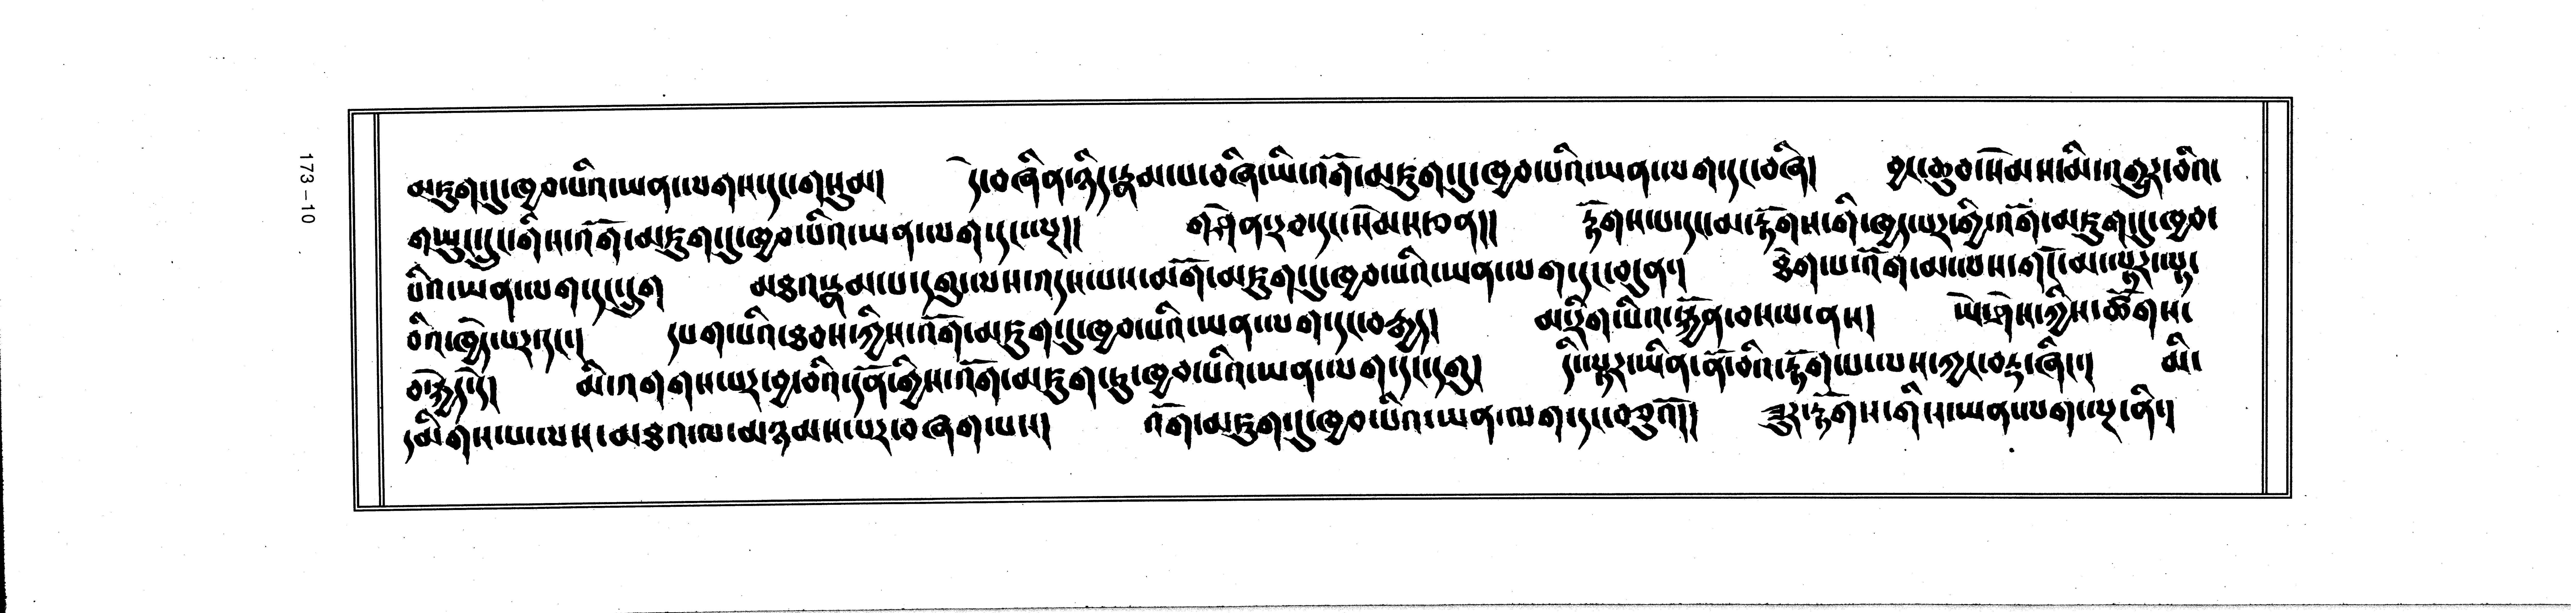མཇུག་ཏུ་ཁྱབ་པའི་ཡན་ལག་དང་གསུམ། དེ་བཞིན་ཉིད་རྣམ་པ་བཞི་ཡི་འགོ་མཇུག་ཏུ་ཁྱབ་པའི་ཡན་ལག་དང་བཞི། བྱང་ཆུབ་སེམས་མི་འགྱུར་བའི་
གཡུང་དྲུང་གིས་འགོ་མཇུག་ཏུ་ཁྱབ་པའི་ཡན་ལག་དང་ལྔ། གཤེན་རབ་དང་སེམས་ཅན། རྟོགས་པ་དང་མ་རྟོགས་པའི་ཁྱད་པར་གྱིས་འགོ་མཇུག་ཏུ་ཁྱབ་
པའི་ཡན་ལག་དང་དྲུག མཐའ་རྣམ་པ་དགུ་ལས་འདས་པས་འགོ་མཇུག་ཏུ་ཁྱབ་པའི་ཡན་ལག་དང་བདུན། ཐེག་པ་འོག་མ་ལས་གོང་མ་ལྟར་ལྟ་
བའི་ཁྱད་པར་དང་། དཔག་པའི་ཐབས་ཀྱིས་འགོ་མཇུག་ཏུ་ཁྱབ་པའི་ཡན་ལག་དང་བརྒྱད། མ་རིག་པའི་སྐྱོན་བསལ་ནས་ཡེ་ཤེས་ཀྱི་ཚོགས་
བསྐྱེད་དེ། མི་འགག་པར་བྱ་བའི་དོན་གྱིས་འགོ་མཇུག་ཏུ་ཁྱབ་པའི་ཡན་ལག་དང་དགུ། དེ་ལྟར་ཡིན་ནོ་བའི་རྟོག་པ་ལས་ཀྱང་བརྡ་ཞིང་། མི་
དམིགས་པ་ལས་མཐའ་ལ་མཉམ་པར་བཞག་པས། འགོ་མཇུག་ཏུ་ཁྱབ་པའི་ཡན་ལག་དང་བཅུའོ། །ཟུར་རྟོག་གི་ཡན་ལག་ལྔ་ནི་